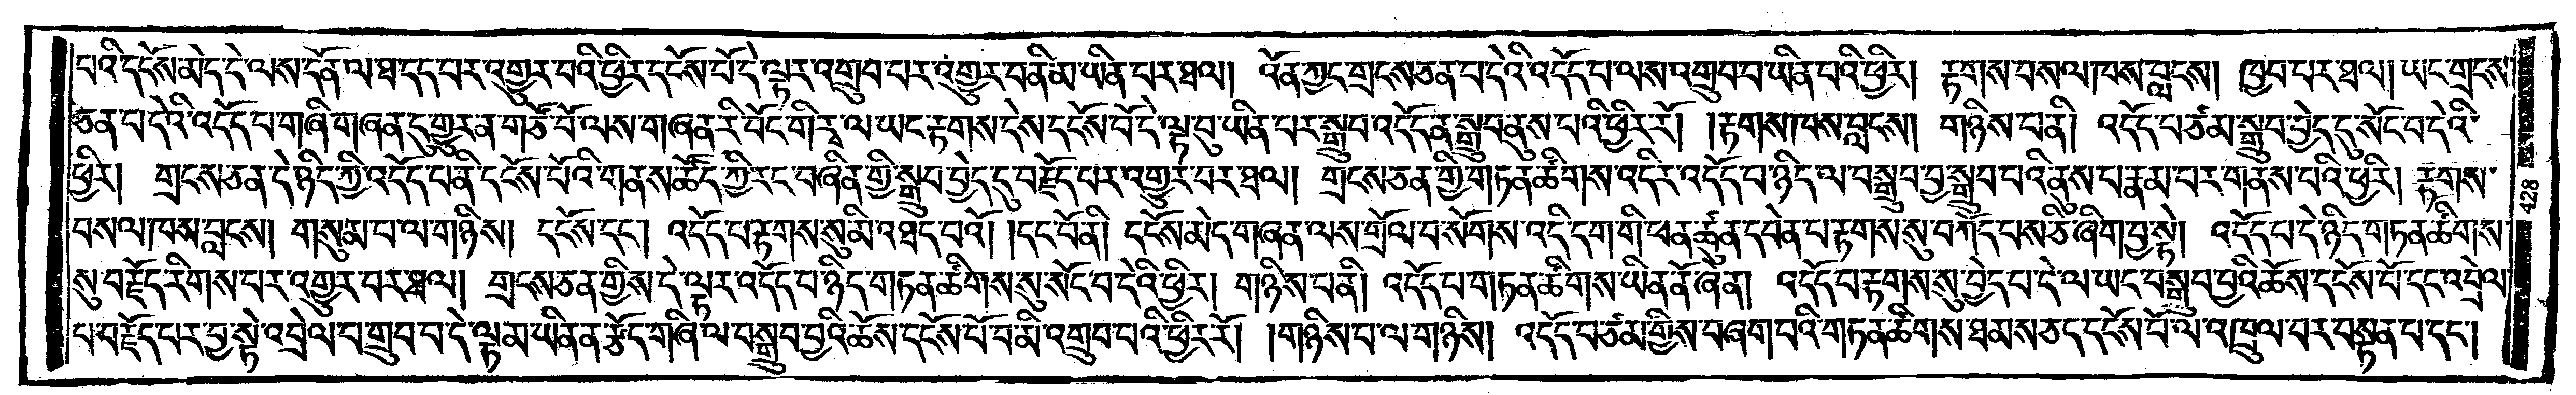པའི་དངོས་མེད་དེ་ལས་དོན་ལ་ཐ་དད་པར་འགྱུར་བའི་ཕྱིར་དངོས་པོ་དེ་ལྟར་འགྲུབ་པར་འགྱུར་བ་ནི་མ་ཡིན་པར་ཐལ། འོན་ཀྱང་གྲངས་ཅན་པ་དེའི་འདོད་པ་ལས་འགྲུབ་བ་ཡིན་པའི་ཕྱིར། རྟགས་བསལ་ཁས་བླངས། ཁྱབ་པར་ཐལ། ཡང་གྲངས་
ཅན་པ་དེའི་འདོད་པ་གཞི་གཞན་དུ་གྱུར་ན་གཙོ་བོ་ལས་གཞན་རི་བོང་གི་རྭ་ལ་ཡང་རྟགས་དེས་དངོས་བོ་དེ་ལྟ་བུ་ཡིན་པར་སྒྲུབ་འདོད་ན་སྒྲུབ་ནུས་པའི་ཕྱིར་རོ། །རྟགས་ཁས་བླངས། གཉིས་བ་ནི། འདོད་པ་ཙམ་སྒྲུབ་བྱེད་དུ་སོང་བ་དེའི་
ཕྱིར། གྲངས་ཅན་དེ་ཉིད་ཀྱི་འདོད་པ་ནི་དངོས་པོའི་གནས་ཚོད་ཀྱི་རང་བཞིན་གྱི་སྒྲུབ་བྱེད་དུ་བརྗོད་པར་འགྱུར་པར་ཐལ། གྲངས་ཅན་གྱི་གཏན་ཚིགས་འདིར་འདོད་བ་ཉིད་ལ་བསྒྲུབ་བྱ་སྒྲུབ་པའི་ནུས་པ་རྣམ་པར་གནས་པའི་ཕྱིར། རྟགས་
བསལ་ཁས་བླངས། གསུམ་པ་ལ་གཉིས། དངོས་དང་། འདོད་པ་རྟགས་སུ་མི་འཐད་བའོ། །དང་བོ་ནི། དངོས་མེད་གཞན་ལས་གྲོལ་བ་སོགས་འདི་དག་གི་ཕན་ཚུན་དབེན་པ་རྟགས་སུ་བཀོད་པས་ཅི་ཞིག་བྱ་སྟེ། འདོད་པ་དེ་ཉིད་གཏན་ཚིགས་
སུ་བརྗོད་རིགས་པར་འགྱུར་བར་ཐལ། གྲངས་ཅན་གྱིས་དེ་ལྟར་འདོད་པ་ཉིད་གཏན་ཚིགས་སུ་སོང་བ་དེའི་ཕྱིར། གཉིས་པ་ནི། འདོད་པ་གཏན་ཚིགས་ཡིན་ནོ་ཞེ་ན། འདོད་པ་རྟགས་སུ་བྱེད་པ་དེ་ལ་ཡང་བསྒྲུབ་བྱའི་ཆོས་དངོས་པོ་དང་འབྲེལ་
པ་བརྗོད་པར་བྱ་སྟེ་འབྲེལ་པ་གྲུབ་པ་དེ་ལྟ་མ་ཡིན་ན་རྩོད་གཞི་ལ་བསྒྲུབ་བྱའི་ཆོས་དངོས་པོ་བ་མི་འགྲུབ་པའི་ཕྱིར་རོ། །གཉིས་པ་ལ་གཉིས། འདོད་བ་ཙམ་གྱིས་བཞག་བའི་གཏན་ཚིགས་ཐམས་ཅད་དངོས་པོ་ལ་འཁྲུལ་བར་བསྟན་པ་དང་།